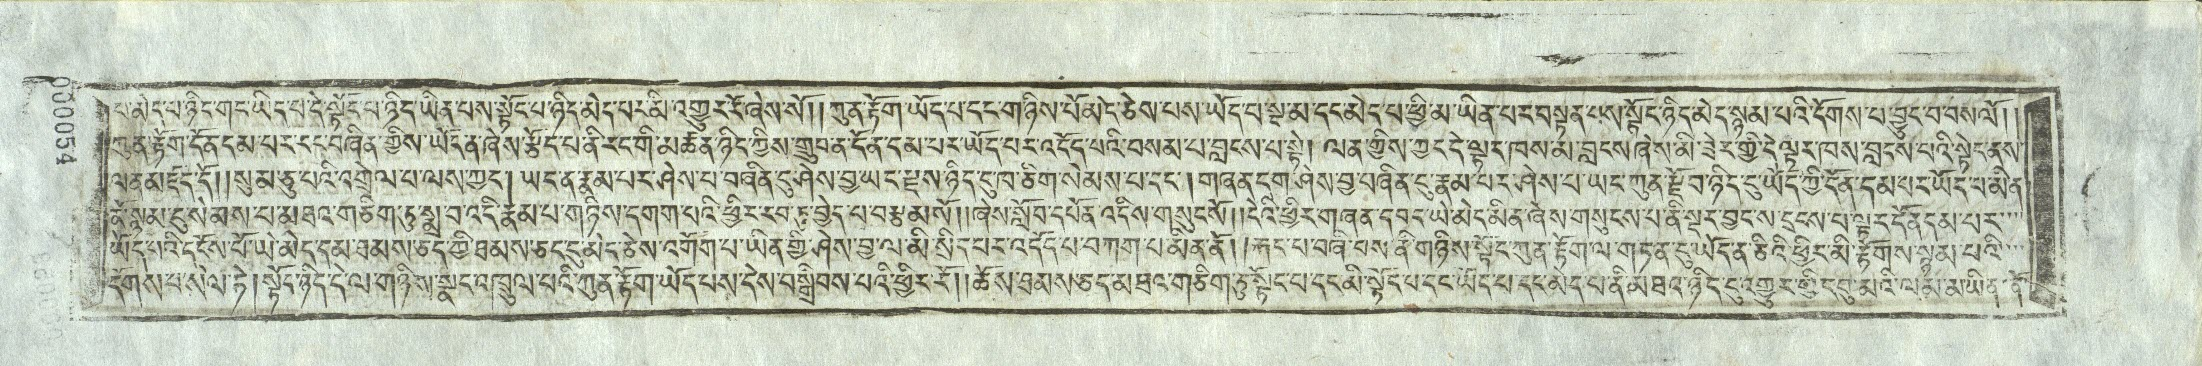པ་མེད་པ་ཉིད་གང་ཡིན་པ་དེ་སྟོང་པ་ཉིད་ཡིན་པས་སྟོང་པ་ཉིད་མེད་པར་མི་འགྱུར་རོ་ཞེས་སོ། །ཀུན་རྟོག་ཡོད་པ་དང་གཉིས་པོ་མེད་ཅེས་པས་ཡོད་པ་སྔ་མ་དང་མེད་པ་ཕྱི་མ་ཡིན་པར་བསྟན་པས་སྟོང་ཉིད་མེད་སྙམ་པའི་དོགས་པ་བྱུང་བ་བསལ་ལོ། །
ཀུན་རྟོག་དོན་དམ་པར་རང་བཞིན་གྱིས་ཡོད་ན་ཞེས་རྩོད་པ་ནི་རང་གི་མཚན་ཉིད་ཀྱིས་གྲུབ་ན་དོན་དམ་པར་ཡོད་པར་འདོད་པའི་བསམ་པ་བླངས་པ་སྟེ། ལན་གྱིས་ཀྱང་དེ་ལྟར་ཁས་མ་བླངས་ཞེས་མི་ཟེར་གྱི་དེ་ལྟར་ཁས་བླངས་པའི་སྟེང་ནས་
ལན་མཛད་དོ། །སུམ་ཅུ་པའི་འགྲེལ་པ་ལས་ཀྱང་། ཡང་ན་རྣམ་པར་ཤེས་པ་བཞིན་དུ་ཤེས་བྱ་ཡང་རྫས་ཉིད་དུ་ཁ་ཅིག་སེམས་པ་དང་། གཞན་དག་ཤེས་བྱ་བཞིན་དུ་རྣམ་པར་ཤེས་པ་ཡང་ཀུན་རྫོབ་ཉིད་དུ་ཡོད་ཀྱི་དོན་དམ་པར་ཡོད་པ་མིན་
ནོ་སྙམ་དུ་སེམས་པ་མཐའ་གཅིག་ཏུ་སྨྲ་བ་འདི་རྣམ་པ་གཉིས་དགག་པའི་ཕྱིར་རབ་ཏུ་བྱེད་པ་བརྩམས་སོ། །ཞེས་སློབ་དཔོན་འདིས་གསུངས་སོ། །དེའི་ཕྱིར་གཞན་དབང་ཡེ་མེད་མིན་ཞེས་གསུངས་པ་ནི་སྔར་བྱང་ས་དྲངས་པ་ལྟར་དོན་དམ་པར་
ཡོད་པའི་དངོས་པོ་ཡེ་མེད་དམ་ཐམས་ཅད་ཀྱི་ཐམས་ཅད་དུ་མེད་ཅེས་འགོག་པ་ཡིན་གྱི་ཤེས་བྱ་ལ་མི་སྲིད་པར་འདོད་པ་བཀག་པ་མིན་ནོ། །རྐང་པ་བཞི་པས་ནི་གཉིས་སྟོང་ཀུན་རྟོག་ལ་གཏན་དུ་ཡོད་ན་ཅིའི་ཕྱིར་མི་རྟོགས་སྙམ་པའི་
དོགས་པ་སེལ་ཏེ། སྟོང་ཉིད་དེ་ལ་གཉིས་སྣང་འཁྲུལ་པའི་ཀུན་རྟོག་ཡོད་པས་དེས་བསྒྲིབས་པའི་ཕྱིར་རོ། །ཆོས་ཐམས་ཅད་མཐའ་གཅིག་ཏུ་སྟོང་པ་དང་མི་སྟོང་བ་དང་ཡོད་པ་དང་མེད་པ་ནི་མཐའ་ཉིད་དུ་འགྱུར་གྱི་དབུ་མའི་ལམ་མ་ཡིན་